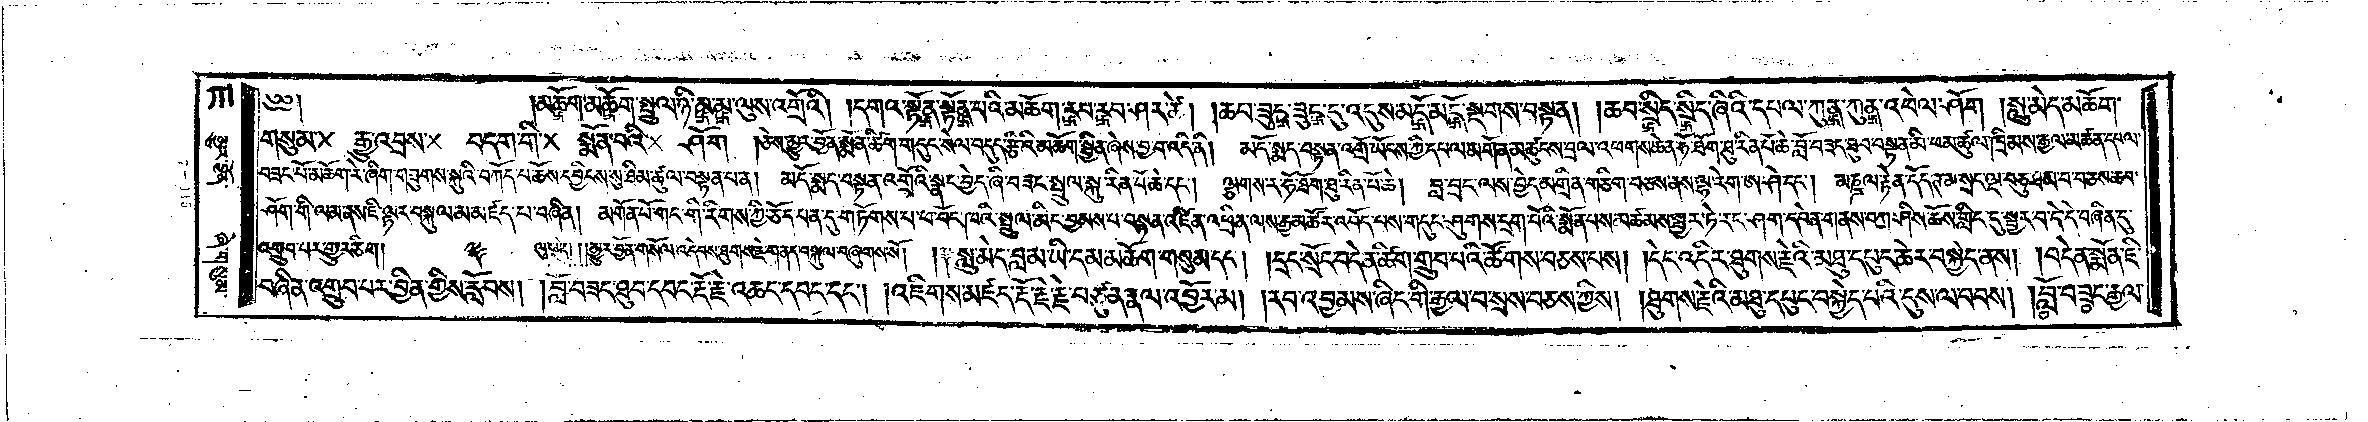༄༅། །མཆོག་མཆོག་སྤྲུལ་ཉི་མ་མ་ལུས་འགྲོའི། །དགའ་སྟོན་སྟོན་པའི་མཆོག་རབ་རབ་ཤར་ཚེ། །ཆབ་ཟུང་ཟུང་དུ་འདུས་མདོ་མདོ་སྔགས་བསྟན། །ཆབ་སྲིད་སྲིད་ཞིའི་དཔལ་ཀུན་ཀུན་འ་ངེལ་ཤོག །སླུ་མེད་མཆོག་
གསུམ་྾་རྒྱུ་འབྲས་྾་བདག་གི་྾་སྨོན་པའི་྾་ཤོག །ཅེས་མྱུར་བྱོན་སྨོན་ཚིག་གདུང་སེལ་བདུད་རྩིའི་མཆོག་སྦྱིན་ཞེས་བྱ་བ་འདི་ནི། མདོ་སྨད་བསྟན་འགྲོ་ཡོངས་ཀྱི་དཔལ་མགོན་མཚུངས་བྲལ་འཕགས་ཆེན་ཧོ་ཐོག་ཐུ་རིན་པོ་ཆེ་བློ་བཟང་ཐུབ་བསྟན་མི་ཕམ་ཚུལ་ཁྲིམས་རྒྱལ་མཚན་དཔལ་
བཟང་པོ་མཆོག་རེ་ཞིག་གཟུགས་སྐུའི་བཀོད་པ་ཆོས་དབྱིངས་སུ་ཐིམ་ཚུལ་བསྟན་པ་ན། མདོ་སྨད་བསྟན་འགྲོའི་སྣང་བྱེད་ཞི་བཟང་སྤྲུལ་སྐུ་རིན་པོ་ཆེ་དང་། ལྕགས་ར་ཧོ་ཐོག་ཐུ་རིན་པོ་ཆེ། བླ་བྲང་ལས་བྱེད་མགྲིན་གཅིག་བཅས་ནས་ལྷ་རེག་ཨ་ཤེ་དང་། མཎྜལ་རྟེན་དོད་ཊམ་སྲང་ལྔ་བཅུ་ཐམ་པ་བཅས་ཆབ་
ཤོག་གི་ལམ་ནས་ཇི་ལྟར་བསྐུལ་མ་མཛད་པ་བཞིན། མགོན་པོ་གང་གི་རིགས་ཀྱི་ཅོད་པན་དུ་གཏོགས་པ་ཕ་བོང་ཁའི་སྤྲུལ་མི་འབྱམས་པ་བསྟན་འཛིན་འཕྲིན་ལས་རྒྱ་མཚོར་འབོད་པས་གདུང་ཤུགས་དྲག་པོའི་སྨོན་བས་མཚམས་སྦྱར་ཏེ་རང་ཤག་དབེན་གནས་བཀྲ་ཤིས་ཆོས་གླིང་དུ་སྦྱར་བ་དེ་དེ་བཞིན་དུ་
འགྲུབ་པར་གྱུར་ཅིག། ༈ །།མྱུར་བྱོན་གསོལ་འདེབས་ཐུགས་རྗེ་གནད་བསྐུལ་བཞུགས་སོ། ། ༈ སླུ་མེད་བླ་མ་ཡི་དམ་མཆོག་གསུམ་དང་། །དྲང་སྲོང་བདེན་ཚིག་གྲུབ་པའི་ཚོགས་བཅས་པས། །དེང་འདིར་ཐུགས་རྗེའི་མཐུ་དབུང་ཆེར་བསྐྱེད་ནས། །བདེན་སྨོན་ཇི་
བཞིན་འགྲུབ་པར་བྱིན་གྱིས་རློབས། །བློ་བཟང་ཐུབ་དབང་རྡོ་རྗེ་འཆང་དབང་དང་། །འཇིགས་མཛད་རྡོ་རྗེ་རྗེ་བཙུན་རྣལ་འབྱོར་མ། །རབ་འབྱམས་ཞིང་གི་རྒྱལ་བ་སྲས་བཅས་ཀྱིས། །ཐུགས་རྗེའི་མཐུ་དཔུང་བསྐྱེད་པའི་དུས་ལ་བབས། །བློ་བཟང྾་རྒྱལ་